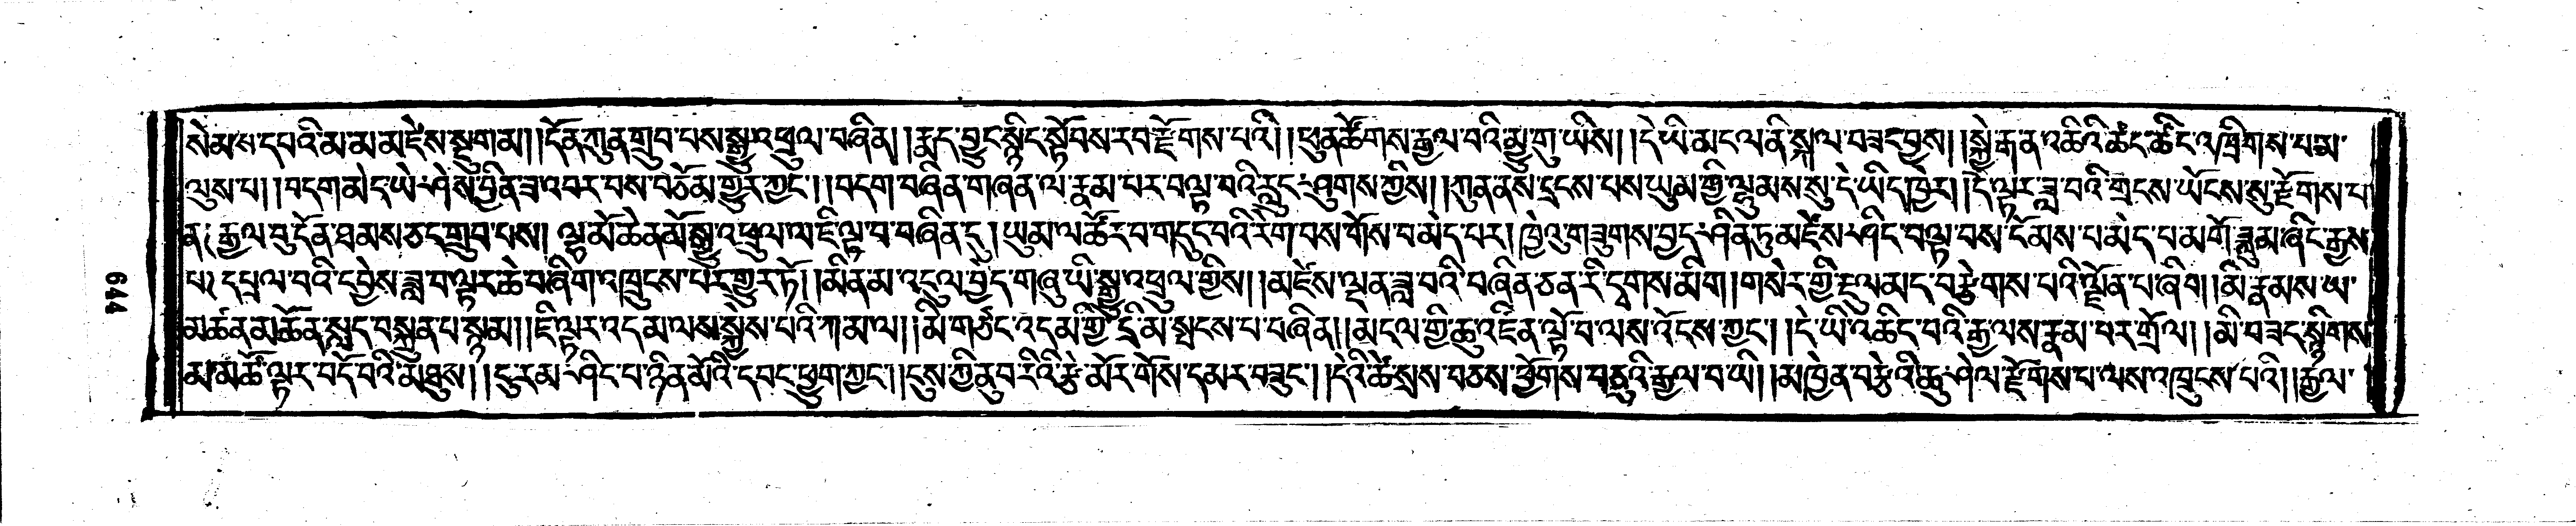སེམས་དཔའི་མ་མ་མཛེས་སྡུག་མ། །དོན་ཀུན་གྲུབ་པས་སྒྱུ་འཕྲུལ་བཞིན། །རྨད་བྱུང་སྙིང་སྟོབས་རབ་རྫོགས་པའི། །ཕུན་ཚོགས་རྒྱལ་བའི་མྱུ་གུ་ཡིས། །དེ་ཡི་མངལ་ནི་སྐལ་བཟང་བྱས། །སྐྱེ་རྒ་ན་འཆིའི་ཚང་ཚིང་འཁྲིགས་པ་མ་
ལུས་པ། །བདག་མེད་ཡེ་ཤེས་བྱིན་ཟ་འབར་བས་བཅོམ་གྱུར་ཀྱང་། །བདག་བཞིན་གཞན་ལ་རྣམ་པར་བལྟ་བའི་རླུང་ཤུགས་ཀྱིས། །ཀུན་ནས་དྲངས་པས་ཡུམ་གྱི་ལྷུམས་སུ་དེ་ཡིད་ཁྱེར། །དེ་ལྟར་ཟླ་བའི་གྲངས་ཡོངས་སུ་རྫོགས་པ་
ན། རྒྱལ་བུ་དོན་ཐམས་ཅད་གྲུབ་པས། ལྷ་མོ་ཆེན་མོ་སྒྱུ་འཕྲུལ་ལ་ཇི་ལྟ་བ་བཞིན་དུ། ཡུམ་ལ་ཚོར་བ་གདུང་བའི་རེག་པས་གོས་པ་མེད་པར། ཁྱེའུ་གཟུགས་བྱད་ཤིན་ཏུ་མཛེས་ཤིང་བལྟ་བས་ངོམས་པ་མེད་པ་མགོ་ཟླུམ་ཞིང་རྒྱས་
པ། དཔྲལ་བའི་དབྱེས་ཟླ་བ་ལྟར་ཆེ་བ་ཞིག་འཁྲུངས་པར་གྱུར་ཏོ། །མིན་མ་འདུལ་བྱེད་གཞུ་ཡི་སྒྱུ་འཕྲུལ་གྱིས། །མཛེས་ལྡན་ཟླ་བའི་བཞིན་ཅན་རི་དྭགས་མིག །གསེར་གྱི་རྡུལ་མང་བརྩེགས་པའི་ལྗོན་པ་ཞིག །མི་རྣམས་ཡ་
མཚན་མཚོན་སླད་བསྐྲུན་པ་སྙམ། །ཇི་ལྟར་འདམ་ལས་སྐྱེས་པའི་ཀ་མ་ལ། །མི་གཙང་འདམ་གྱི་དྲི་མ་སྤངས་པ་བཞིན། །མངལ་གྱི་ཆུ་འཛིན་ལྟོ་བ་ལས་འོངས་ཀྱང་། །དེ་ཡི་འཆིང་བའི་རྒྱ་ལས་རྣམ་པར་གྲོལ། །མི་བཟད་སྙིགས་
མ་མཚོ་ལྟར་བདོ་བའི་མཐུས། །བུ་རམ་ཤིང་པ་ཉིན་མོའི་དབང་ཕྱུག་ཀྱང་། །དུས་ཀྱི་ནུབ་རིའི་རྩེ་མོར་གོས་དམར་བཟུང་། །དེའི་ཚེ་སྲས་བཅས་ཕྱོགས་བཅུའི་རྒྱལ་བ་ཡི། །མཁྱེན་བརྩེའི་ཆུ་ཤེལ་རྫོགས་པ་ལས་འཁྲུངས་པའི། །རྒྱལ་